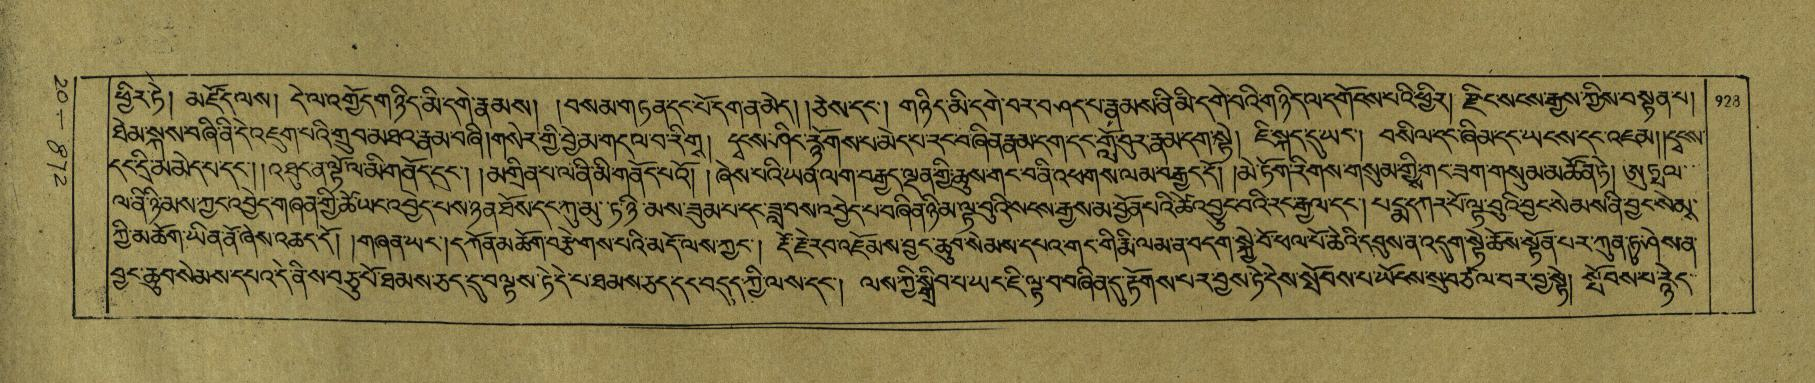ཕྱིར་ཏེ། མཛོད་ལས། དེ་ལ་འགྱོད་གཉིད་མི་དགེ་རྣམས། བསམ་གཏན་དང་པོ་དག་ན་མེད། །ཅེས་དང་། གཉིད་མི་དགེ་བར་བཤད་པ་རྣམས་ནི་མི་དགེ་པའི་གཉིད་ལ་དགོངས་པའི་ཕྱིར། རྫིང་སངས་རྒྱས་ཀྱིས་བསྟན་པ།
ཐེམ་སྐས་བཞི་ནི་དེ་འཇུག་པའི་གྲུབ་མཐའ་རྣམ་བཞི། གསེར་གྱི་བྱེ་མ་གདལ་བ་རིགས། དྭངས་ཤིང་རྙོགས་པ་མེད་པ་རང་བཞིན་རྣམ་དག་དང་གློ་བུར་རྣམ་དག་སྟེ། ཇི་སྐད་དུ་ཡང་། བསིལ་དང་ཞིམ་དང་ཡངས་དང་འཇམ། །དྭངས་
དང་དྲི་མ་མེད་པ་དང་། །འཐུང་ན་སྟོ་ལ་མི་གནོད་དང་། །མགྲིན་པ་ལ་ནི་མི་གནོད་པའོ། །ཞེས་པའི་ཡམ་ལག་བརྒྱད་ལྡན་གྱི་ཆུས་གང་བ་ནི་འཕགས་ལམ་བརྒྱད་དོ། །མེ་ཏོག་གིགས་གསུམ་གྱིས་གང་ཟག་གསུམ་མཚོན་ཏེ། ཨུཏྤལ་
ལ་ནི་ཉི་མས་ཀྱང་འབྱེད་གཞན་གྱི་ཚེ་ཡང་འབྱེད་པས་ཉན་ཐོས་དང་ཀུ་མུ་ཏ་ཉི་མས་ཟུམ་པ་དང་ཟླ་བས་འབྱེད་པ་བཟིཨིན་ཉི་མ་ལྟ་བུའི་སངས་རྒྱས་མ་བྱོན་པའི་ཚེ་འབྱུང་པའི་རང་རྒྱལ་དང་། པདམ་དཀར་པོ་ལྟ་བུའི་བྱང་སེམས་ནི་བྱང་སེམས་
ཀྱི་མཆོག་ཡིན་ནོ་ཞེས་འཆང་དོ། །གཞན་ཡང་།དཀོན་མཆོག་བརྩེགས་པའི་མདོ་ལས་ཀྱང་། རྡོ་རྗེ་རབ་འཇོམས་བྱང་ཆུབ་སེམས་དཔའ་གང་གི་རྨི་ལམ་ན་བདག་སྐྱེ་བོ་ཕལ་པོ་ཆེའི་དབུས་ན་འདུག་སྟེ་ཆོས་སྟོན་པར་ཀུན་ཏུ་ཤེས་ན་
བྱང་ཆུབ་སེམས་དཔའ་དེ་ནི་ས་བཅུ་པོ་ཐམས་ཅད་དུ་བལྟས་ཏེ་དེ་པ་ཐམས་ཅད་དང་བདུད་ཀྱི་ལས་དང་། ལས་ཀྱི་སྒྲིབ་པ་ཡང་ཇི་ལྟ་བ་བཞིན་དུ་རྟོགས་པར་བྱས་ཏེ་དེས་སྤོབས་པ་ཡོངས་སུ་བཙལ་བར་བྱ་སྟེ། སྤོབས་པ་རྙེད་